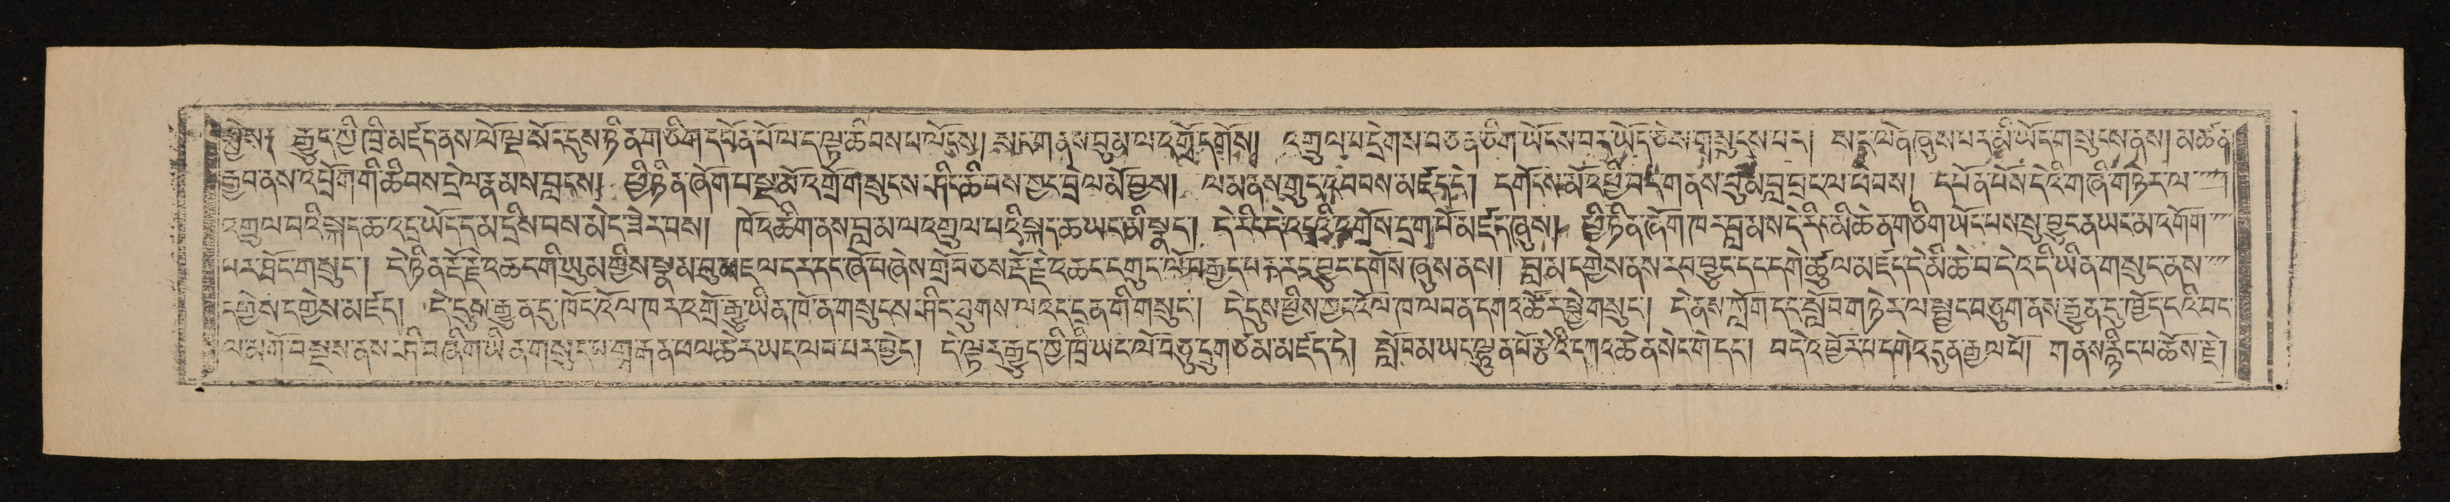སྐྱེས༑ རྒྱུད་ཀྱི་ཁྲི་མཛད་ནས་ལོ་ལྔ་སོང་དུས་ཉིན་གཅིག་དཔོན་པོ་ལ་ད་ལྟ་ཆིབས་པ་ལོངས། སང་གནས་བུམ་ལ་འགྲོ་དགོས། འགྲུལ་པ་དྲེགས་པ་ཅན་ཅིག་ཡོངས་པར་ཡོད་ཅེས་གསུངས་བར། སང་ལེན་ཞུས་པར་མི་ཡོད་གསུངས་ནས། མཚན་
རྒྱབ་ནས་འབྲོག་གི་ཆིབས་དྲེལ་རྣམས་བླངས། ཕྱི་ཉིན་ཞོག་པ་སྔ་མོ་འགྲོ་གསུངས་ཤིང་ཆིབས་ཀྱང་བྲེལ་མོ་བྱས། ལམ་ནས་གུང་འབབས་མཛད་དེ། དགོངས་མོ་འཕྱི་བར་གནས་བུམ་བླ་བྲང་ལ་ཕེབས། དཔོན་པོས་དེའི་གཞི་གཉེར་ལ་
འགྲུལ་བའི་སྐད་ཆ་འདྲ་ཡོད་དམ་དྲིས་པས་མེད་ཟེར་བས། ཁོ་འཚིག་ནས་བླ་མ་ལ་འགྲུལ་པའི་སྐད་ཆ་ཡང་མི་སྣང་། དེ་རིང་དེ་འདྲའི་འགྲོས་དྲག་པོ་མཛད་ཞུས། ཕྱི་ཉིན་ཞོག་ཁར་བླ་མས་དེ་རིང་མི་ཆེན་གཅིག་ཡོང་བས་སུ་བྱུང་ན་ཡང་མ་འགོག་
པར་ཐོང་གསུང་། དེ་ཉིན་རྡོ་རྗེ་འཆང་གི་ཡུམ་གྱིས་སྣམ་བུ་མཇལ་དར་དང་ཞོ་བཞེས་གྲོ་བཅས་རྡོ་རྗེ་འཆང་དགུང་ལོ་བརྒྱད་པར་རབ་བྱུང་དགོས་ཞུས་ནས། བླ་མ་དགྱེས་ནས་རབ་བྱུང་དང་དགེ་ཚུལ་མཛད་དེ་མི་ཆེ་བ་དེ་འདི་ཡིན་གསུང་ནས་
དགྱེས་དགྱེས་མཛད། དེ་དུས་རྒྱུན་དུ་ཁོང་འོལ་ཁར་འགྲོ་རྒྱུ་ཡིན་ཁོ་ན་གསུངས་ཤིང་ཐུགས་ལའང་དྲན་གི་གསུང་། དེ་དུས་ཕྱིས་ཀྱང་འོལ་ཁ་ལབ་ན་དགའ་ཚོར་སྐྱེ་གསུང་། དེ་ནས་ཀློག་དང་སློབ་གཉེར་ལ་སྦྱང་བཅུག་ནས་རྒྱུན་དུ་ཁྱོད་ངའི་བང་
ལ་མགོ་བ་སྤས་ནས་ཤི་བ་ཞིག་ཡིན་གསུང་པ་གྲྭ་རྒན་ཕལ་ཆེར་ཡང་ལབ་པར་བྱེད། དེ་ལྟར་རྒྱུད་ཀྱི་ཁྲི་ཡང་ལོ་བཅུ་དྲུག་ཙམ་མཛད་དེ། སློབ་མ་ཡང་ལྷུན་པོ་རྩེའི་དཀའ་ཆེན་སེང་གེ་དང་། བདེ་འབྱོར་པ་དགེ་འདུན་རྒྱལ་པོ། གནས་རྙིང་པ་ཆོས་རྗེ།